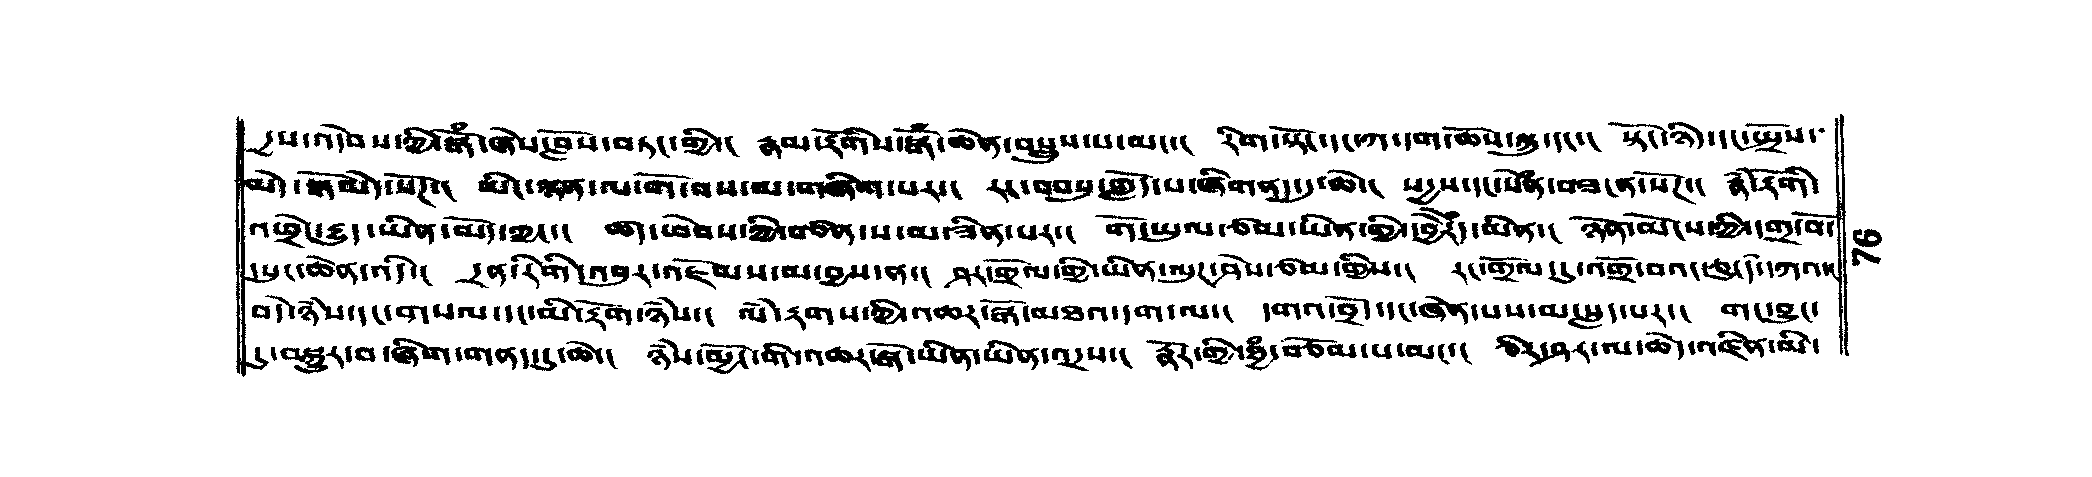རྒྱས་འདེབས་ཀྱི་སྒོམ་ཞེས་བློས་བཏང་གི།རྣམ་རྟོག་གིས་སྒོམ་ཆེན་བསླུས་པ་མང་། །རིག་སྟོང་དང་ཀ་དག་ཆོས་སྐུ་དང་། །སྟོང་ཉིད་དང་སྤྲོས་
མེད་སྒོམ་མེད་སོགས། །མིང་སྙན་ལ་གོ་བས་མ་གཞིག་པར། །རང་བབས་སུ་གློད་པ་ཞིག་གནད་དུ་ཆེ། །སངས་རྒྱས་དང་སེམས་ཅན་བཟང་ངན་སོགས། །རྣམ་རྟོག་
གི་འཕྲེང་རྒྱུད་ཡིན་མོད་ཀྱང་། །ཚད་ཕེབས་ཀྱི་བཙན་ས་མ་ཟིན་པར། །གོ་ཡུལ་ཙམ་ཡིན་གྱི་དབྱེར་མེད་མིན། །ཉོན་མོངས་ཀྱི་དགྲ་བོ་
དཔུང་ཆེན་འདི། །དྲན་རྟོག་གི་འབུར་འཇོམས་མ་བྱེད་ན། །ཤར་གྲོལ་གྱི་ཡིན་ལུགས་ཤེས་ཙམ་གྱིས། །རང་གྲོལ་དུ་འགྲོ་བའང་ཅུང་ཟད་དཀའ། །
བདེ་ཉམས་དང་གསལ་དང་མི་རྟོག་ཉམས། །ལམ་རྟགས་ཀྱི་འཆར་སྒོ་མཐའ་དག་ལ། །དགའ་བྲོད་དང་ཞེན་པས་མ་སླད་པར། །གང་བྱུང་
དུ་བསྐྱུར་བ་ཞིག་གནད་དུ་ཆེ། །ཉམས་མྱོང་གི་འཆར་སྒོ་ཡིན་ཡིན་འདྲས། །རྣལ་འབྱོར་གྱི་ཐུག་དམ་བཅོམ་པ་མང་། །ཅི་ཤར་ལ་ཆེད་འཛིན་མི་